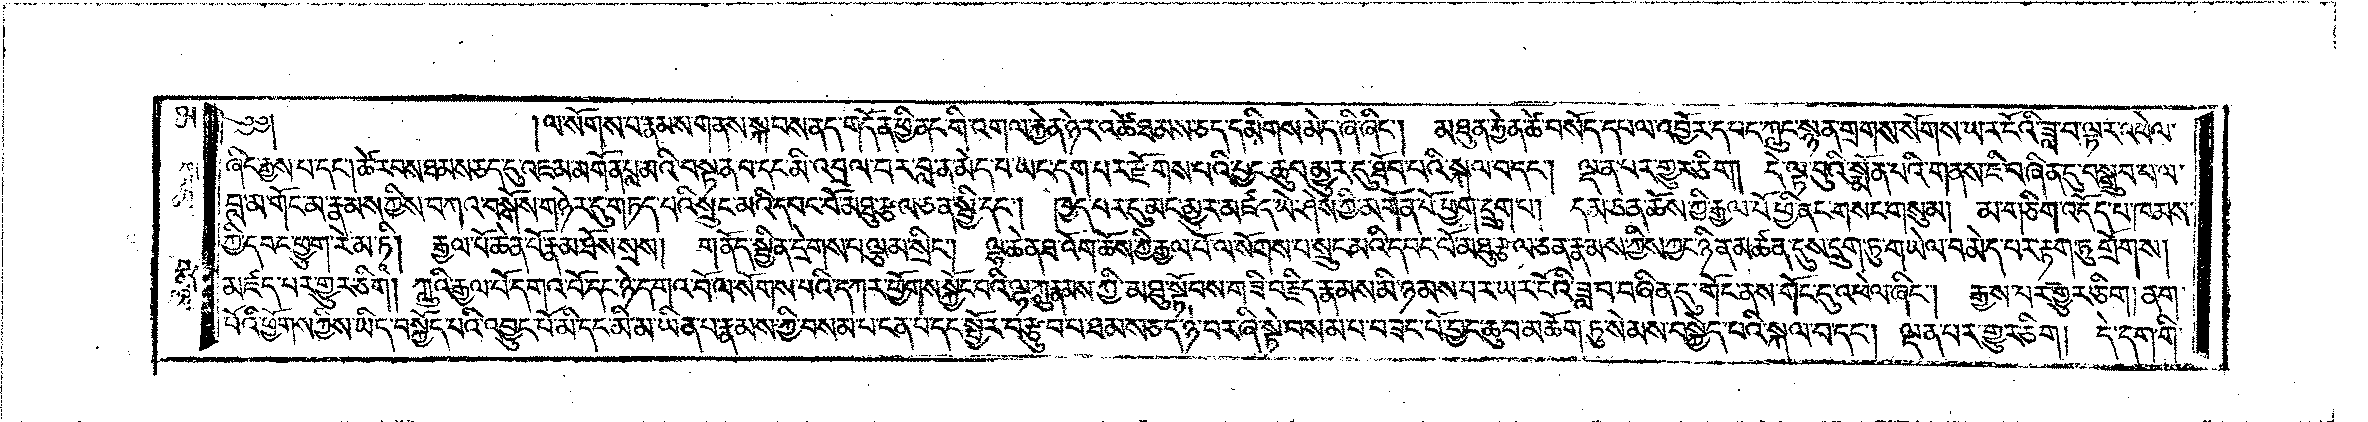༄༅། །ལ་སོགས་པ་རྣམས་གནས་སྐབས་ནད་གདོན་ཕྱི་ནང་གི་འགལ་རྐྱེན་ཉེར་འཚེ་ཐམས་ཅད་དམིགས་མེད་ཞི་ཞིང་། མཐུན་རྐྱེན་ཚེ་བསོད་དཔལ་འབྱོར་དབང་ཀླུང་སྙན་གྲགས་སོགས་ཡར་ངོའི་ཟླ་བ་ལྟར་འཕེལ་
ཞིང་རྒྱས་པ་དང་། ཚེ་རབས་ཐམས་ཅད་དུ་འཇམ་མགོན་བླ་མའི་བསྟན་པ་དང་མི་འབྲལ་བར་བླ་ན་མེད་པ་ཡང་དག་པར་རྫོགས་པའི་བྱང་ཆུབ་མྱུར་དུ་ཐོབ་པའི་སྐལ་བ་དང་། ལྡན་པར་གྱུར་ཅིག །དེ་ལྟ་བུའི་སྨོན་པའི་གནས་ཇི་བཞིན་དུ་བསྒྲུབ་པ་ལ་
བླ་མ་གོང་མ་རྣམས་ཀྱིས་བཀའ་བསྒོས་གཉེར་དུ་གཏད་པའི་སྲུང་མའི་དབང་པོ་མཐུ་རྩལ་ཅན་སྤྱི་དང་། ཁྱད་པར་དུ་མང་མྱུར་མཛད་ཡེ་ཤེས་ཀྱི་མགོན་པོ་ཕྱག་དྲུག་པ། དམ་ཅན་ཆོས་ཀྱི་རྒྱལ་པོ་ཕྱི་ནང་གསང་གསུམ། མ་གཅིག་འདོད་པ་ཁམས་
ཀྱི་དབང་ཕྱུག་རེ་མ་ཏཱི། རྒྱལ་པོ་ཆེན་པོ་རྣམ་ཐོས་སྲས། གནོད་སྦྱིན་དྲེགས་པ་ལྕམ་སྲིང་། ལྷ་ཆེན་ཐ་འོག་ཆོས་ཀྱི་རྒྱལ་པོ་ལ་སོགས་པ་སྲུང་མའི་དབང་པོ་མཐུ་རྩལ་ཅན་རྣམས་ཀྱིས་ཀྱང་ཉིན་མཚན་དུས་དྲུག་ཏུ་གཡེལ་བ་མེད་པར་རྟག་ཏུ་གྲོགས།
མཛད་པར་གྱུར་ཅིག །ཀླུའི་རྒྱལ་པོ་དགའ་བོ་དང་ཉེ་དགའ་བོ་ལ་སོགས་པའི་དཀར་ཕྱོགས་སྐྱོང་བའི་ལྷ་ཀླུ་རྣམས་ཀྱི་མཐུ་སྟོབས་གཟི་བརྗིད་རྣམས་མི་ཉམས་པར་ཡར་ངོའི་ཟླ་བ་བཞིན་དུ་གོང་ནས་གོང་དུ་འཕེལ་ཞིང་། རྒྱས་པར་གྱུར་ཅིག །ནག་
པོའི་ཕྱོགས་ཀྱིས་ཡིད་བསྐྱོད་པའི་འབྱུང་པོ་མི་དང་མི་མ་ཡིན་པ་རྣམས་ཀྱི་བསམ་པ་ངན་པ་དང་སྦྱོར་བརྩུབ་པ་ཐམས་ཅད་ཉེ་བར་ཞི་སྟེ་བསམ་པ་བཟང་པོ་བྱང་ཆུབ་མཆོག་ཏུ་སེམས་བསྐྱེད་པའི་སྐལ་བ་དང་། ལྡན་པར་གྱུར་ཅིག །དེ་དག་གི་